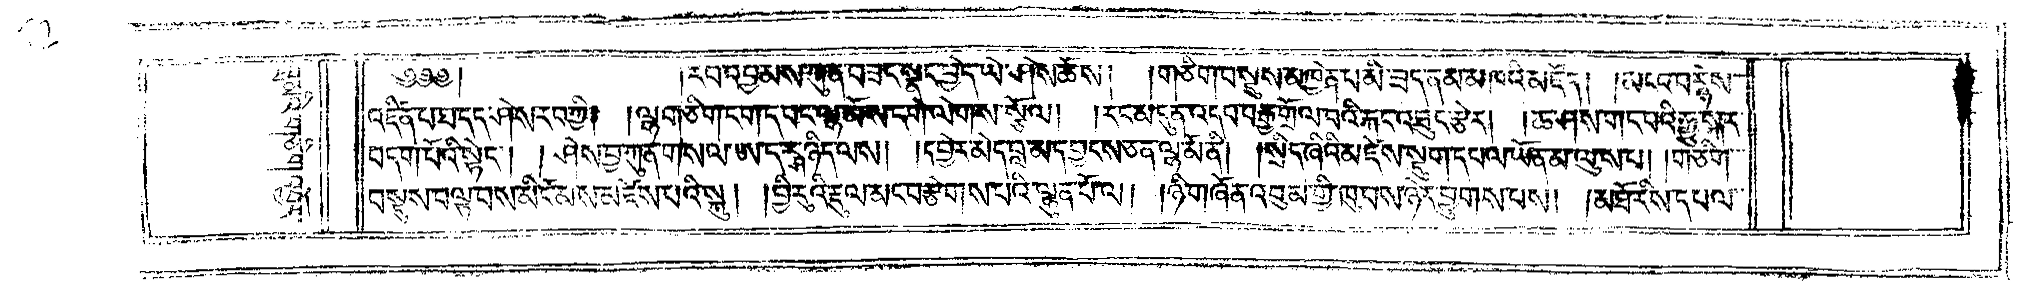༄༅༅། །རབ་འབྱམས་ཀུན་བཟང་སྣང་བྱེད་ཡེ་ཤེས་ཆོས། །གཅིག་བསྡུས་མཁྱེན་པ་མི་ཟད་ནམ་མཁའི་མཛོད། །མངའ་བརྙེས་
འཛིན་པ་ཐ་དད་ཤེས་རབ་ཀྱི། །ལྷ་གཅིག་ངག་དབང་ལྷ་མོས་དགེ་ལེགས་སྩོལ། །རང་མདུན་འདབ་བརྒྱ་གྲོལ་བའི་རྐང་འཐུང་རྩེར། །ཆ་ཤས་གང་བའི་རྒྱུ་སྐར་
བདག་པོའི་སྟེང་། །ཤེས་བྱ་ཀུན་གསལ་ཨ་ད་རཤ་ཉིད་ལས། །དབྱེར་མེད་བླ་མ་དབྱངས་ཅན་ལྷ་མོ་ནི། །སྲིད་ཞིའི་མཛེས་སྡུག་དཔལ་ཡོན་མ་ལུས་པ། །གཅིག་
བསྡུས་བལྟ་བས་མི་ངོམས་མཛེས་པའི་སྐུ། །བྱི་རུའི་རྡུལ་མང་བརྩེགས་པའི་ལྷུན་པོ་ལ། །ཉི་གཞོན་འབུམ་གྱི་ཁུ་བས་ཉེར་བྱུགས་པས། །མཐོ་རིས་དཔལ་